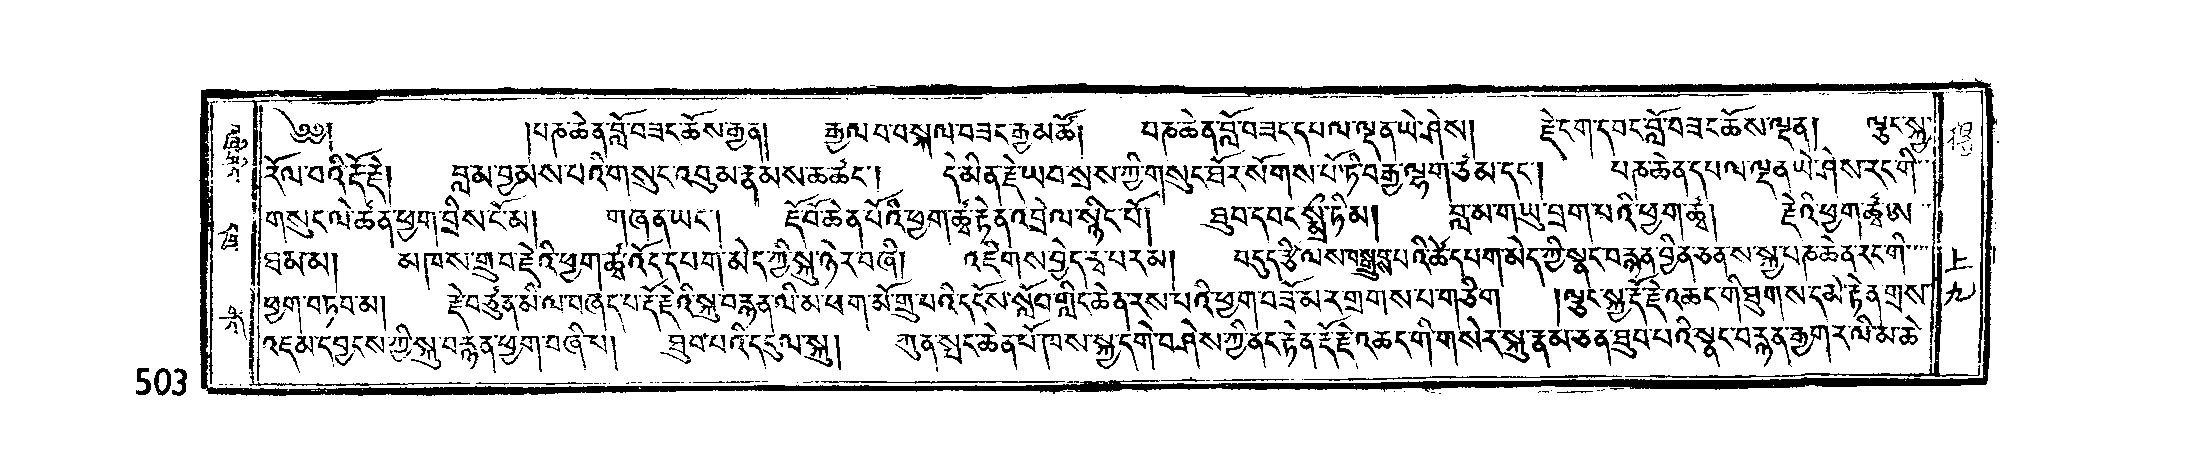༄༅། །པཎ་ཆེན་བློ་བཟང་ཆོས་རྒྱན། རྒྱལ་བ་བསྐལ་བཟང་རྒྱ་མཚོ། པཎ་ཆེན་བློ་བཟང་དཔལ་ལྡན་ཡེ་ཤེས། རྗེ་ངག་དབང་བློ་བཟང་ཆོས་ལྡན། ལྕང་སྐྱ་
རོལ་བའི་རྡོ་རྗེ། བླ་མ་བྱམས་པའི་གསུང་འབུམ་རྣམས་ཆ་ཚང་། དེ་མིན་རྗེ་ཡབ་སྲས་ཀྱི་གསུང་ཐོར་སོགས་པོ་ཏི་བརྒྱ་ལྷག་ཙམ་དང་། པཎ་ཆེན་དཔལ་ལྡན་ཡེ་ཤེས་རང་གི་
གསུང་ལེ་ཚན་ཕྱག་བྲིས་ངོ་མ། གཞན་ཡང་། ཇོ་བོ་ཆེན་པོའི་ཕྱག་ཚྭ་རྟེན་འབྲེལ་སྙིང་པོ། ཐུབ་དབང་སྨྲྀ་ཏི་མ། བླ་མ་གཡུ་བྲག་པའི་ཕྱག་ཚྭ། རྗེའི་ཕྱག་ཚྭ་ཨ་
ཐམ་མ། མཁས་གྲུབ་རྗེའི་ཕྱག་ཚྭ་འོད་དཔག་མེད་ཀྱི་སྐུ་ཉེར་བཞི། འཇིགས་བྱེད་རྭ་པར་མ། བདུད་རྩི་ལས་བསྒྲུབས་པའི་ཚེ་དཔག་མེད་ཀྱི་སྣང་བརྙན་བྱིན་ཅན་ས་སྐྱ་པཎ་ཆེན་རང་གི་
ཕྱག་བཏབ་མ། རྗེ་བཙུན་མི་ལ་བཞད་པ་རྡོ་རྗེའི་སྐུ་བརྙན་ལི་མ་ཕག་མོ་གྲུ་པའི་དངོས་སློབ་གླིང་ཆེན་རས་པའི་ཕྱག་བཟོ་མར་གྲགས་པ་གཅིག །ལྕང་སྐྱ་རྡོ་རྗེ་འཆང་གི་ཐུགས་དམ་རྟེན་གྲས་
འཇམ་དབྱངས་ཀྱི་སྐུ་བརྙན་ཕྱག་བཞི་པ། ཐུབ་པའི་དངུལ་སྐུ། ཀུན་སྤང་ཆེན་པོ་ཁས་སྐྱ་དགེ་བཤེས་ཀྱི་ནང་རྟེན་རྡོ་རྗེ་འཆང་གི་གསེར་སྐུ་རྣམ་ཅན་ཐུབ་པའི་སྣང་བརྙན་རྒྱ་གར་ལི་མ་ཆེ་